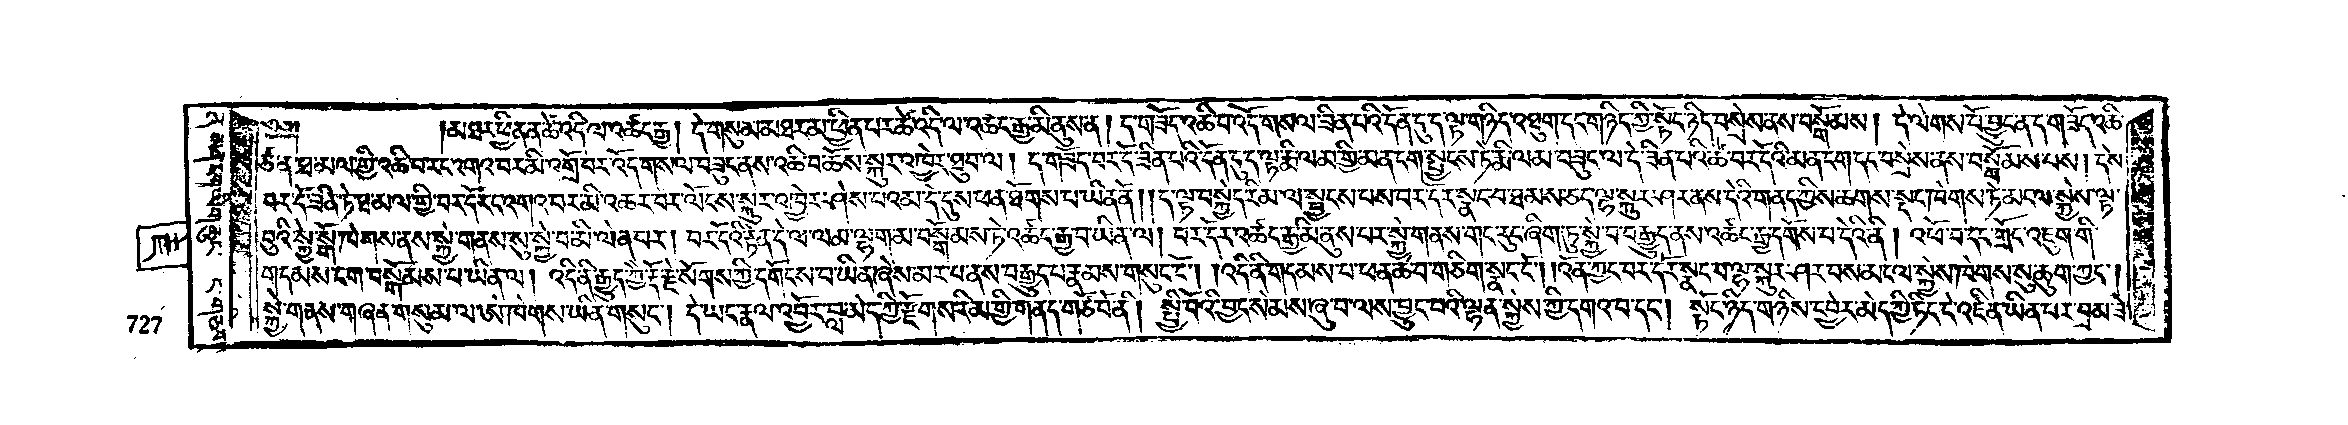༄༅། །མཐར་ཕྱིན་ན་ཚེ་འདི་ལ་འཚང་རྒྱ། དེ་གསུམ་མཐར་མ་ཕྱིན་པར་ཚེ་འདི་ལ་འཚང་རྒྱ་མི་ནུས་ན། ད་གཟོད་འཆི་བ་འོད་གསལ་ཟིན་པའི་དོན་དུ་ད་ལྟ་གཉིད་འཐུག་དང་གཉིད་ཀྱི་སྟོང་ཉིད་བསྲེས་ནས་བསྒོམས། དེ་ལེགས་པོ་བྱུང་ན་ད་གཟོད་འཆི་
ཙ་ན་ཐ་མལ་གྱི་འཆི་བ་རང་འགའ་བར་མི་འགྲོ་བར་འོད་གསལ་བཟུང་ནས་འཆི་བ་ཆོས་སྐུར་འཁྱེར་ཐུབ་ལ། ད་གཟོད་བར་དོ་ཟིན་པའི་དོན་དུ་ད་ལྟ་རྨི་ལམ་གྱི་མན་ངག་སྦྱངས་ཏེ་རྨི་ལམ་བཟུང་ལ་དེ་ཟིན་པའི་ཚེ་བར་དོའི་མན་ངག་དང་བསྲེས་ནས་བསྒོམས་པས། དེས་
བར་དོ་ཟིན་ཏེ་ཐ་མལ་གྱི་བར་དོ་རང་འགའ་བར་མི་འཆར་བར་ལོངས་སྐུར་འཁྱེར་ཤེས་པའམ་དེ་དུས་ཕན་ཐོགས་པ་ཡིན་ནོ། །ད་ལྟ་བསྐྱེད་རིམ་ལ་སྦྱངས་པས་བར་དོར་སྣང་བ་ཐམས་ཅད་ལྷ་སྐུར་ཤར་ནས་དེའི་གནད་ཀྱིས་ཆགས་སྡང་ཁེགས་ཏེ་མངལ་སྐྱེས་ལྟ་
བུའི་སྐྱེ་སྒོ་ཁེགས་ནས་སྐྱེ་གནས་སུ་སྐྱེ་བ་མི་ལེན་པར། བར་དོའི་རྟེན་དེ་ལ་ལམ་ལྷག་མ་བསྒོམས་ཏེ་འཚང་རྒྱ་བ་ཡིན་ལ། བར་དོར་འཚང་རྒྱ་མི་ནུས་པར་སྐྱེ་གནས་གང་རུང་ཞིག་ཏུ་སྐྱེ་བ་བརྒྱུད་ནས་འཚང་རྒྱ་དགོས་པ་དེའི་ནི། འཕོ་བ་དང་གྲོང་འཇུག་གི་
གདམས་ངག་བསྒོམས་པ་ཡིན་ལ། འདི་ནི་རྒྱུད་ཀྱཻ་རྡོ་རྗེ་སོགས་ཀྱི་དགོངས་པ་ཡིན་ཞེས་མར་པ་ནས་བརྒྱུད་པ་རྣམས་གསུང་ངོ། །འདི་ནི་གདམས་པ་ཕན་ཆེ་བ་གཅིག་སྣང་ངོ། །འོན་ཀྱང་བར་དོར་སྣང་བ་ལྷ་སྐུར་ཤར་བས་མངལ་སྐྱེས་ཁེགས་སུ་ཆུག་ཀྱང་། སྐྱེ་གནས་གཞན་གསུམ་ལ་ཨེ་ཁེགས་ཡིན་གསུང་། དེ་ཡང་རྣལ་འབྱོར་བླ་མེད་ཀྱི་རྫོགས་རིམ་གྱི་གནད་གཙོ་བོ་ནི། སྤྱི་བོའི་བྱང་སེམས་ཞུ་བ་ལས་བྱུང་བའི་ལྷན་སྐྱེས་ཀྱི་དགའ་བ་དང་། སྟོང་ཉིད་གཉིས་དབྱེར་མེད་ཀྱི་ཏིང་ངེ་འཛིན་ཡིན་པར་བྲམ་ཟེ་